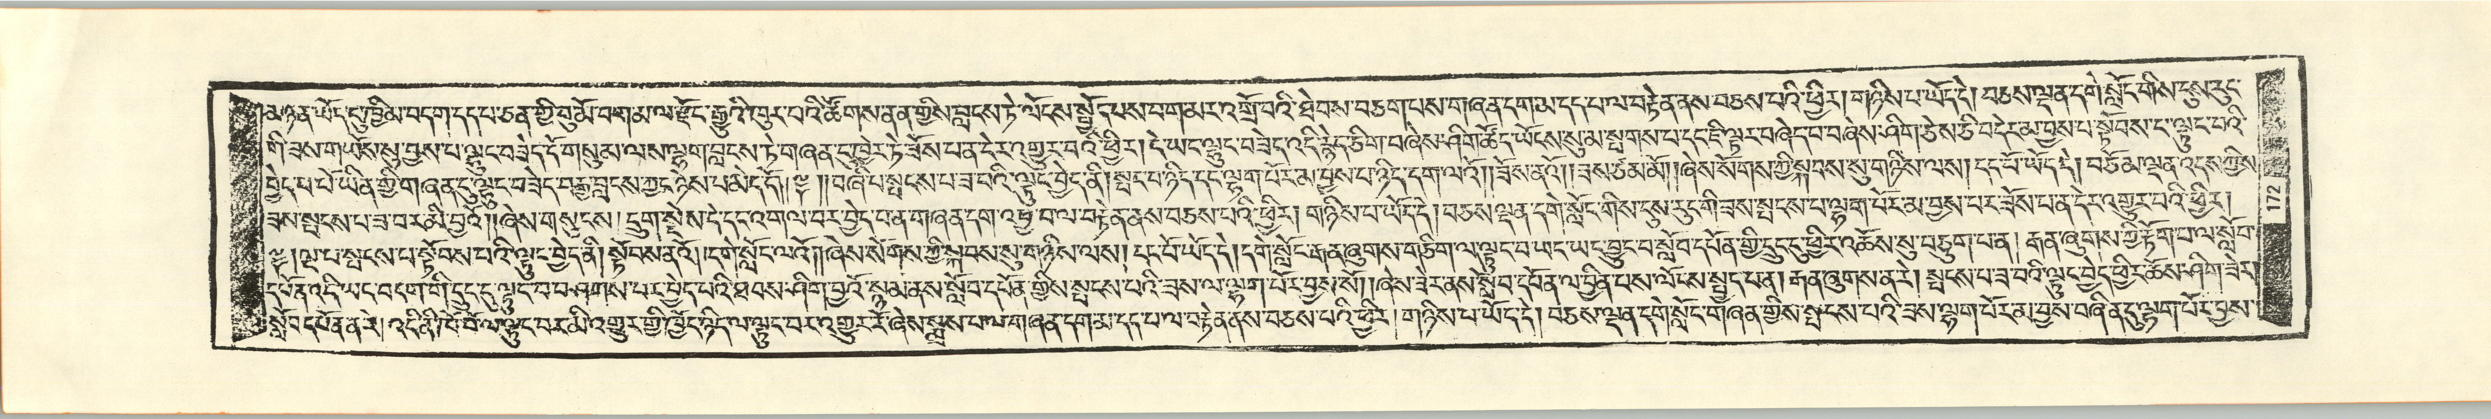མཉན་ཡོད་དུ་ཁྱིམ་བདག་དད་པ་ཅན་གྱི་བུ་མོ་བག་མ་ལ་རྫོང་རྒྱུའི་ཁུར་པའི་ཚོགས་ནན་གྱིས་བླངས་ཏེ་ལོངས་སྤྱོད་པས་བག་མར་འགྲོ་བའི་ཐེབས་བཅག་པས་གཞན་དག་མ་དད་པ་ལ་བརྟེན་ནས་བཅས་པའི་ཕྱིར། གཉིས་པ་ཡོད་དེ། བཅས་ལྡན་དགེ་སློང་གིས་དུས་རུང་
གི་ཟས་གཡོས་སུ་བྱས་པ་ལྷུང་བཟེད་དོ་གསུམ་ལས་ལྷག་བླངས་ཏེ་གཞན་དུ་ཁྱེར་ཏེ་ཟོས་པ་ན་དེར་འགྱུར་བའི་ཕྱིར། དེ་ཡང་ལྷུང་བཟེད་འདི་རྙེད་ཅིག་བཞེས་ཤིག་ཚོད་ཡོངས་སུ་མ་སྤགས་པ་དང་ཇི་ལྟར་བཞེད་པ་བཞེས་ཤིག་ཅེས་ཅི་བདེར་མ་བྱས་པ་སྟོབས་པ་ལྟུང་བའི་
བྱེད་པ་པོ་ཡིན་གྱི་གཞན་དུ་ལྷུང་བཟེད་བརྒྱ་བླངས་ཀྱང་ཉེས་པ་མེད་དོ།། ༈ །།བཞི་པ་སྤངས་པ་ཟ་བའི་ལྟུང་བྱེད་ནི། སྤང་བ་ཉིད་དང་ལྷག་པོར་མ་བྱས་པ་ཉིད་དག་ལའོ། །ཟོས་ནའོ། །ཟས་ཙམ་མོ། །ཞེས་སོགས་ཀྱི་སྐབས་སུ་གཉིས་ལས། དང་པོ་ཡོད་དེ། བཅོམ་ལྡན་འདས་ཀྱིས་
ཟས་སྤངས་པ་ཟ་བར་མི་བྱའོ། །ཞེས་གསུངས། དྲུག་སྡེས་དེ་དང་འགལ་བར་བྱེད་པ་ན་གཞན་དག་འཕྱ་བ་ལ་བརྟེན་ནས་བཅས་པའི་ཕྱིར། གཉིས་པ་ཡོད་དེ། བཅས་ལྡན་དགེ་སློང་གིས་དུས་རུང་གི་ཟས་སྤངས་པ་ལྷག་པོར་མ་བྱས་པར་ཟོས་པ་ན་དེར་འགྱུར་བའི་ཕྱིར།
༈ །ལྔ་པ་སྤངས་པ་སྟོབས་པའི་ལྟུང་བྱེད་ནི། སྟོབས་ནའོ། །དགེ་སློང་ལའོ། །ཞེས་སོགས་ཀྱི་སྐབས་སུ་གཉིས་ལས། དང་པོ་ཡོད་དེ། དགེ་སློང་རྒན་ཞུགས་གཅིག་ལ་ལྟུང་བ་ཡང་ཡང་བྱུང་བ་སློབ་དཔོན་གྱི་དྲུང་དུ་ཕྱིར་འཆོས་སུ་བཅུག་པ་ན། རྒན་ཞུགས་ཀྱི་རྟོག་པ་ལ་སློབ་
དཔོན་འདི་ཡང་བདག་གི་དྲུང་དུ་ལྟུང་བ་བཤགས་པར་བྱེད་པའི་ཐབས་ཤིག་བྱའོ་སྙམ་ནས་སློབ་དཔོན་གྱིས་སྤངས་པའི་ཟས་ལ་ལྷག་པོར་བྱས་སོ། །ཞེས་ཟེར་ནས་སློབ་དཔོན་ལ་བྱིན་པས་ལོངས་སྤྱད་པ་ན། རྒན་ཞུགས་ན་རེ། སྤངས་པ་ཟ་བའི་ལྟུང་བྱེད་ཕྱིར་ཆོས་ཤིག་ཟེར་
སློབ་དཔོན་ན་རེ། འདི་ནི་ཁོ་བོ་ལ་ལྟུང་བར་མི་འགྱུར་གྱི་ཁྱོད་ཉིད་ལ་ལྟུང་བར་འགྱུར་རོ་ཞེས་སྨྲས་པ་ལ་གཞན་དག་མ་དད་པ་ལ་བརྟེན་ནས་བཅས་པའི་ཕྱིར། གཉིས་པ་ཡོད་དེ། བཅས་ལྡན་དགེ་སློང་གཞན་གྱིས་སྤངས་པའི་ཟས་ལྷག་པོར་མ་བྱས་བཞིན་དུ་ལྷག་པོར་བྱས་